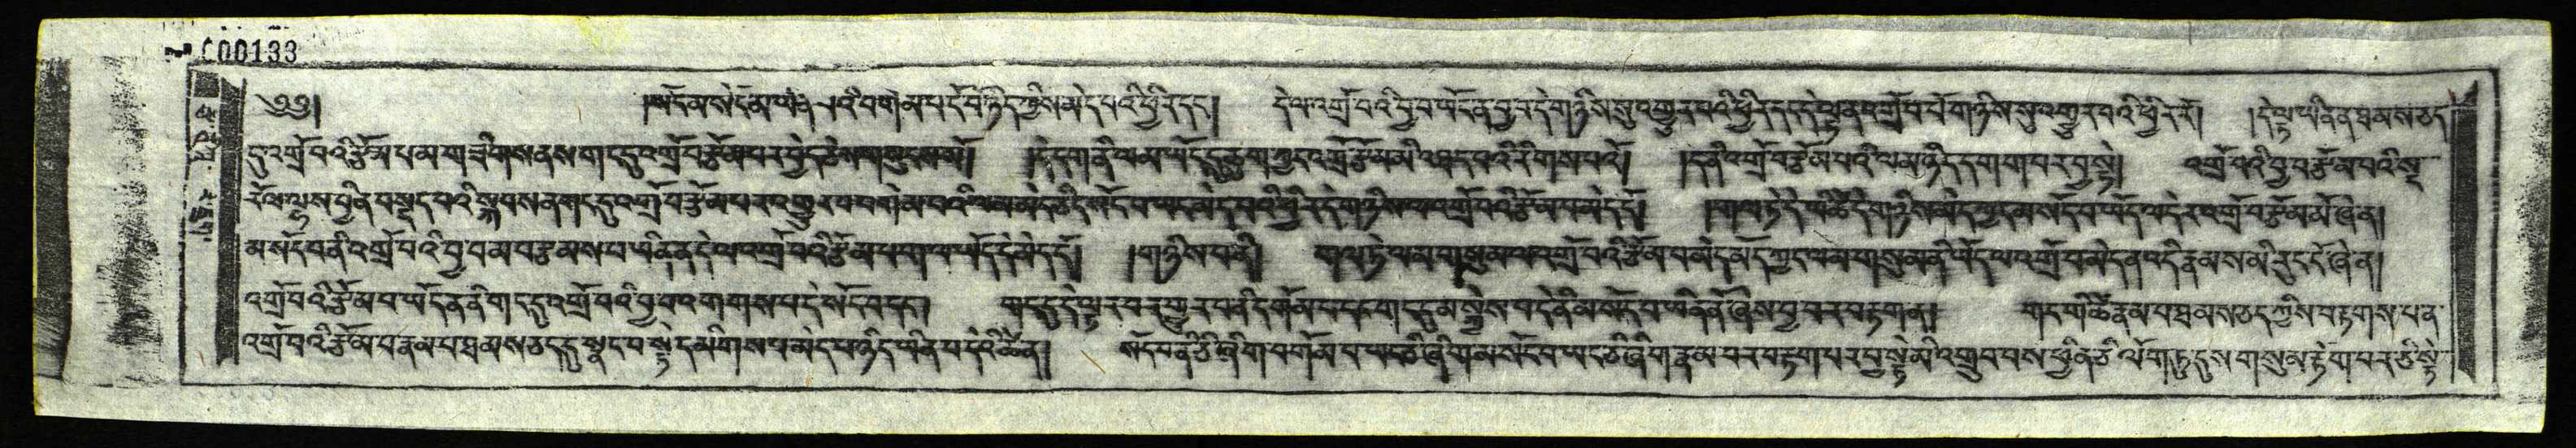༄༅། །སོང་མ་སོང་མ་ཡིན་པའི་འགོམ་པ་ངོ་བོ་ཉིད་ཀྱིས་མེད་པའི་ཕྱིར་དང་། དེ་ལ་འགྲོ་བའི་བྱ་བ་ཡོད་ན་བྱ་བ་དེ་གཉིས་སུ་འགྱུར་བའི་ཕྱིར་དང་དེ་ལྟ་ན་འགྲོ་བ་པོ་གཉིས་སུ་འགྱུར་བའི་ཕྱིར་རོ། །དེ་ལྟ་ཡིན་ན་ཐམས་ཅད་
དུ་འགྲོ་བའི་རྩོམ་པ་མ་གཟིགས་ནས་གང་དུ་འགྲོ་བ་རྩོམ་པར་བྱེད་ཅེས་གསུངས་སོ། །དེ་དག་ནི་ལམ་ཡོད་དུ་ཆུག་ཀྱང་འགྲོ་རྩོམ་མི་འཐད་པའི་རིགས་པའོ། །ད་ནི་འགྲོ་བ་རྩོམ་པའི་ལམ་ཉིད་དགག་པར་བྱ་སྟེ། འགྲོ་བའི་བྱ་བ་རྩོམ་པའི་སྔ་
རོལ་ལྷས་བྱིན་བསྡད་པའི་སྐབས་ན་གང་དུ་འགྲོ་བ་རྩོམ་པར་འགྱུར་བ་འགེམ་པའི་ལམ་མེད་ཅིང་སོང་བ་ཡང་མེད་པའི་ཕྱིར་དེ་གཉིས་ལ་འགྲོ་བའི་རྩོམ་པ་མེད་དོ། །གལ་ཏེ་དེ་ཡི་ཚེ་དེ་གཉིས་མེད་ཀྱང་མ་སོང་བ་ཡོད་ལ་དེར་འགྲོ་བ་རྩོམ་མོ་ཞེ་ན།
མ་སོང་བ་ནི་འགྲོ་བའི་བྱ་བ་མ་བརྩམས་པ་ཡིན་ན་དེ་ལ་འགྲོ་བའི་རྩོམ་པ་ག་ལ་ཡོད་དེ་མེད་དོ། །གཉིས་པ་ནི། གལ་ཏེ་ལམ་གསུམ་ལ་འགྲོ་བའི་རྩོམ་པ་མེད་མོད་ཀྱང་ལམ་གསུམ་ནི་ཡོད་ལ་འགྲོ་བ་མེད་ན་འདི་རྣམས་མི་རུང་ངོ་ཞེ་ན།
འགྲོ་བའི་རྩོམ་པ་ཡོད་ན་ནི་གང་དུ་འགྲོ་བའི་བྱ་བ་འགགས་པ་དེ་སོང་བ་དང་། གང་དུ་དེ་ལྟར་བར་གྱུར་བ་ནི་དགོམ་པ་དང་གང་དུ་མ་སྐྱེས་བ་དེ་ནི་མ་སོང་བ་ཡིན་ནོ་ཞེས་བྱ་བར་བརྟག་ན། གང་གི་ཚེ་རྣམ་པ་ཐམས་ཅད་ཀྱིས་བརྟགས་པ་ན་
འགྲོ་བའི་རྩོམ་པ་རྣམ་པ་ཐམས་ཅད་དུ་སྣང་བ་སྟེ་དམིགས་པ་མེད་པ་ཉིད་ཡིན་པ་དེའི་ཚེ་ན། སོང་བ་ནི་ཅི་ཞིག་བགོམ་པ་ཡང་ཅི་ཞིག་མ་སོང་བ་ཡང་ཅི་ཞིག་རྣམ་པར་བརྟག་པར་བྱ་སྟེ་མི་འགྲུབ་པས་ཕྱིན་ཅི་ལོག་ཏུ་དུས་གསུམ་རྟོག་པར་ཅི་སྟེ་